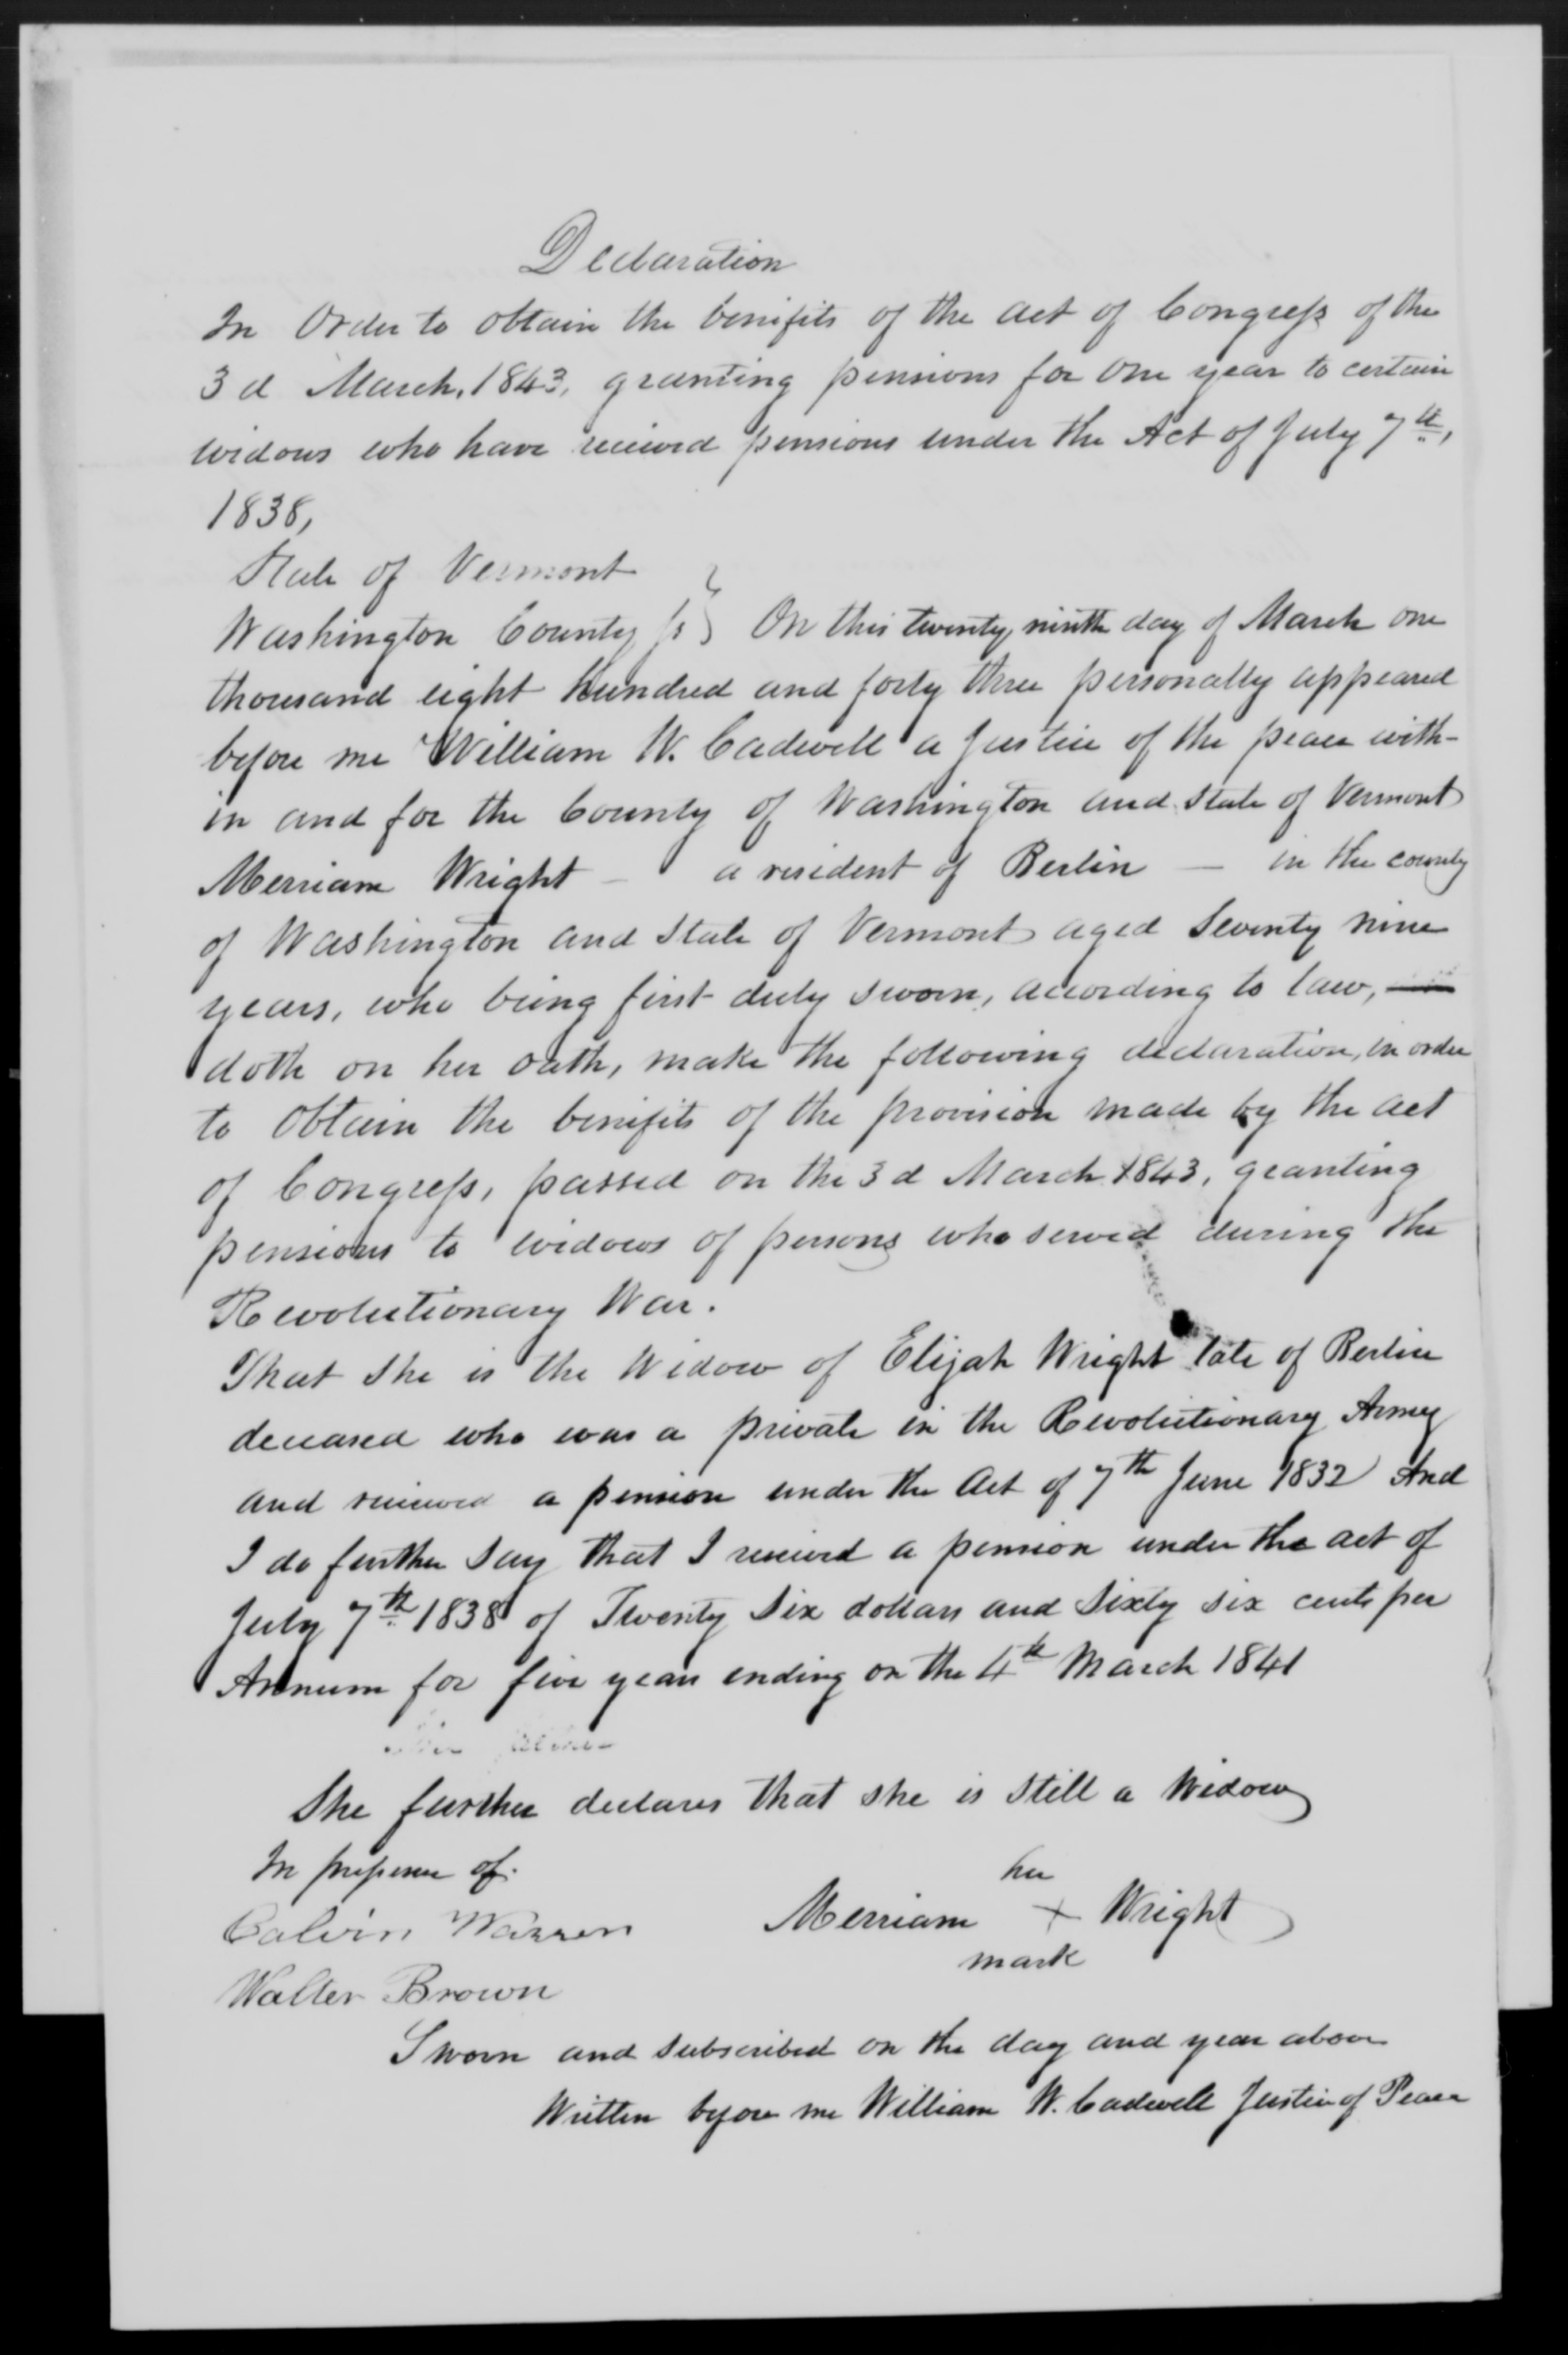Declaration
In order to obtain the benefits of the act of Congress of the 3d March, 1843, granting pensions for one year to certain widows who have received pensions under the Act of July 7th 1838,
State of Vermont     }    
Washington County ⎬ On this twenty ninth day of March one thousand eight hundred and forty three personally appeared before me William W. Cadwell a Justice of the peace within and for the County of Washington and State of Vermont Merriam Wright a resident of Berlin - in the County of Washington and State of Vermont aged Seventy nine years, who being first duly sworn, according to law,
doth on her oath, make the following declaration, in order to obtain the benefits of the provision made by the act of Congress, passed on the 3d March 1843, granting
pensions to widows of persons who served during the Revolutionary War.
That she is the widow of Elijah Wright late of Berlin deceased who was a private in the Revolutionary Army and received a pension under the act of 7th June 1832 And I do further say that I received a pension under the act of July 7th 1838 of Twenty six dollars and sixty six cents per Annum for five years ending on the 4th March 1841
She further declares that she is still a widow
In presence of                            her
Calvin Warren             Merriam    X    Wright
                                                 mark
Walter Brow
Sworn and subscribed on the day and year above
Written before me William W. Cadwell Justice of Peace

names: Merriam Wright, Walter Brown, Calvin Warren, William W Cadwell, Elijah Wright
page: 23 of 26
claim: widow's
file: W. 26,137, Elijah Wright, N.H.